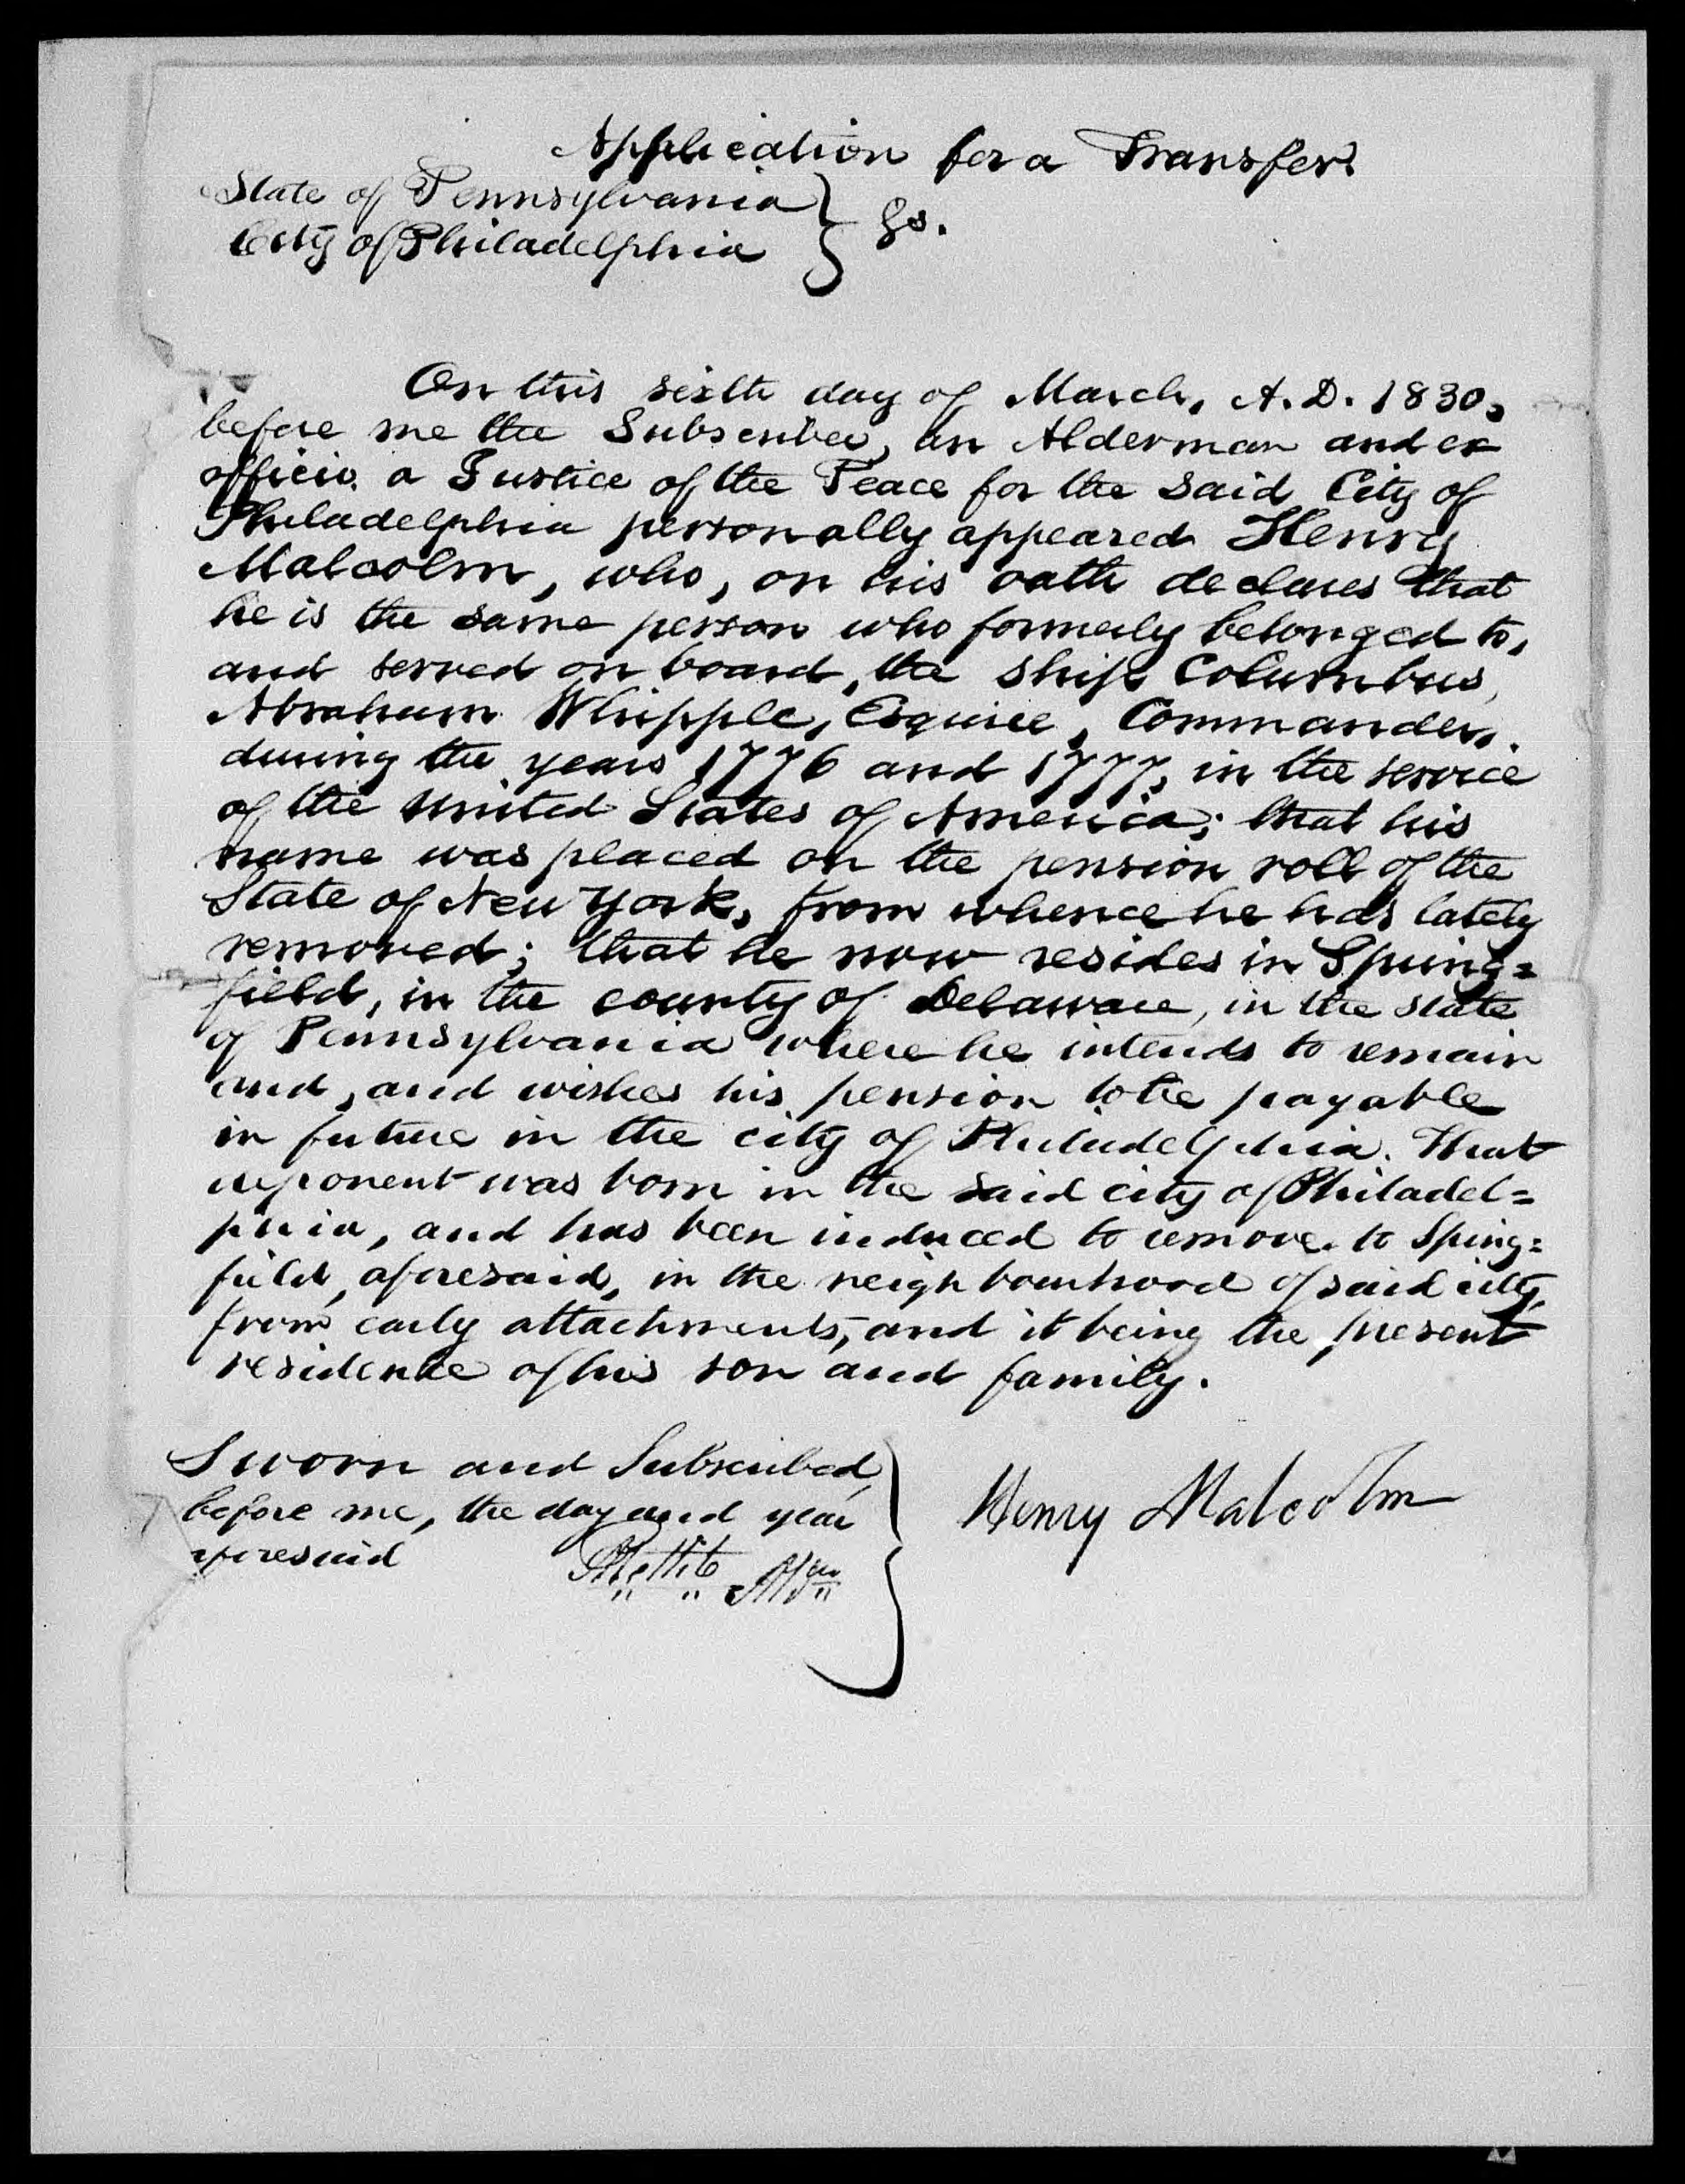Application for a Transfer
State of Pennsylvania}
City of Philadelphia} ss
On this sixth day of March, A.D. 1830, before me the Subscriber, an Alderman and ex officio a Justice of the Peace for the said City of Philadelphia personally appeared Henry Malcolm, who, on his oath declares that he is the same person who formerly belonged to, and served on board, the ship Columbus, Abraham Whipple, Esquire, Commander during the years 1776 and 1777, in the service of the United States of America; that his
name was placed on the pension roll of the State of New York, from whence he has lately removed; that he now resides in Springfield, in the County of Delaware, in the State of Pennsylvania where he intends to remain and, and wishes his pension to be payable in future in the city of Philadelphia. That
deponent was born in the said City of Philadelphia, and has been induced to remove to Springfield aforesaid, in the neighbourhood [neighborhood] of said city from early attachments, and it being the present residence of his son and family.
Henry Malcolm
Sworn and Subscribed before me, the day and year aforesaid
A Pettit [illegible]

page: 24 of 28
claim: survivor's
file: S. 5,048, for Henry Malcolm